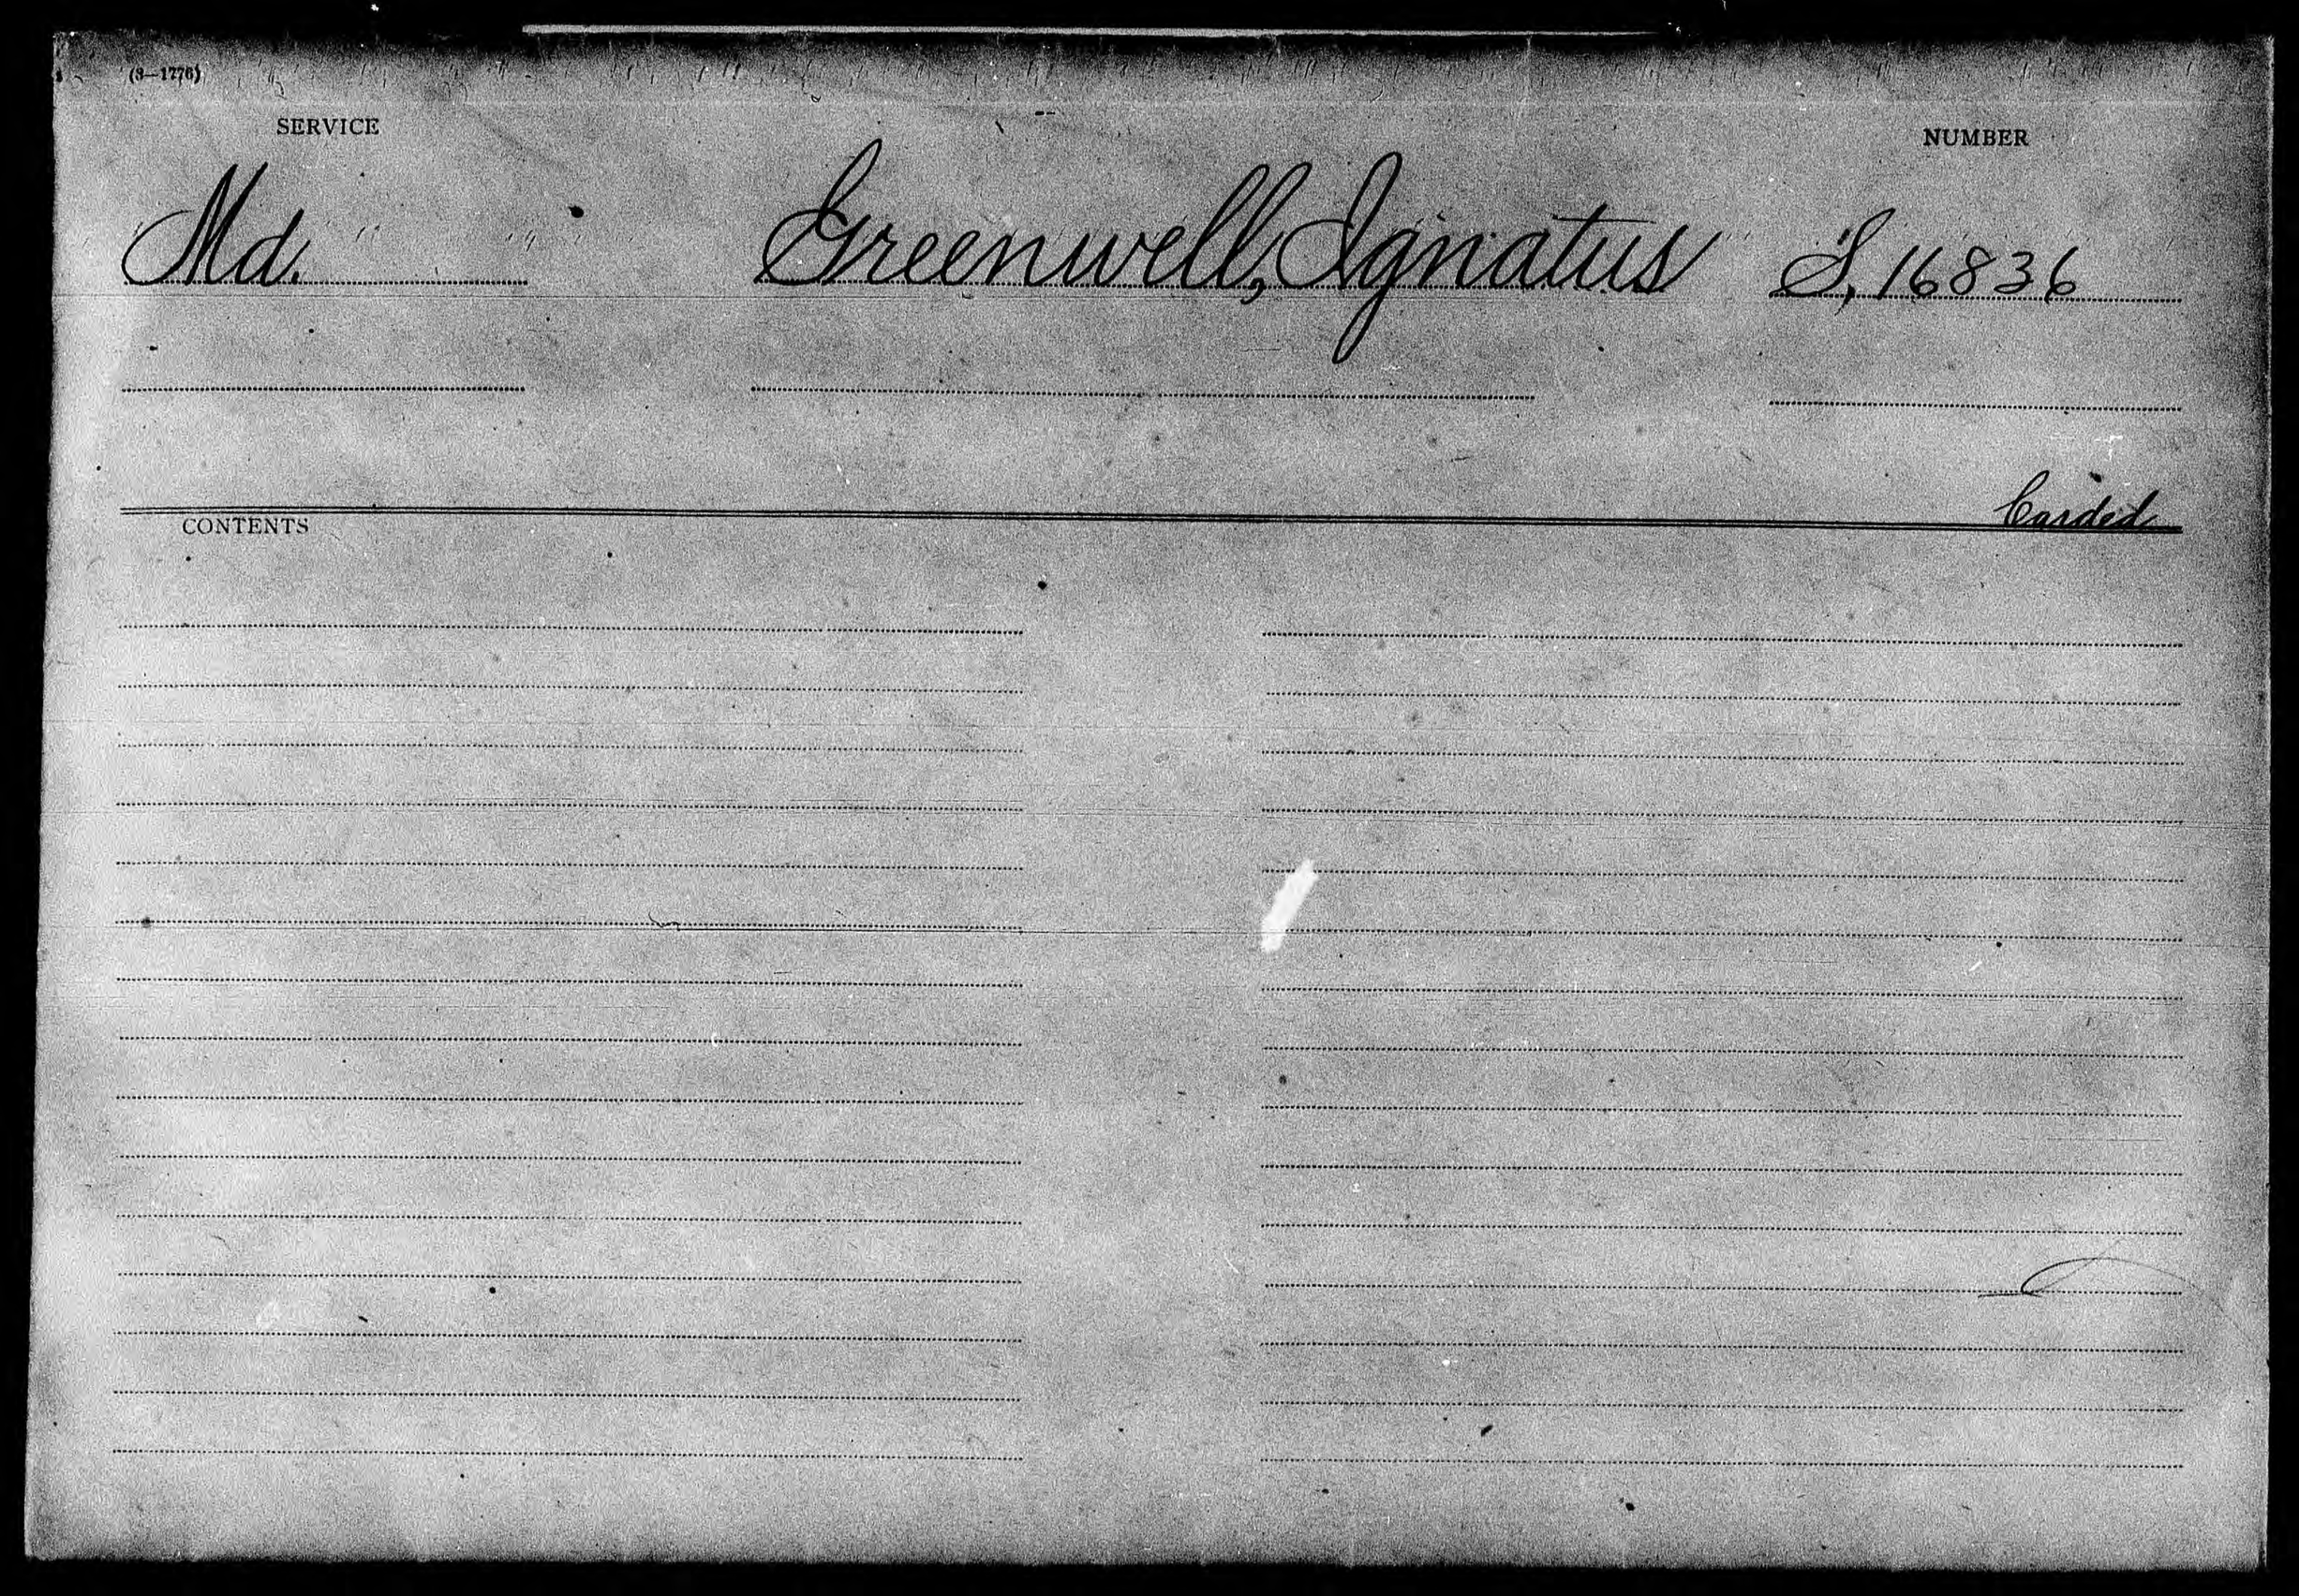(3-1776)

SERVICE
Md.

Greenwell, Ignatus

NUMBER
S. 16836

carded

CONTENTS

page: 1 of 19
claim: survivor's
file: S. 16836, Ignatus Greenwell, Md.